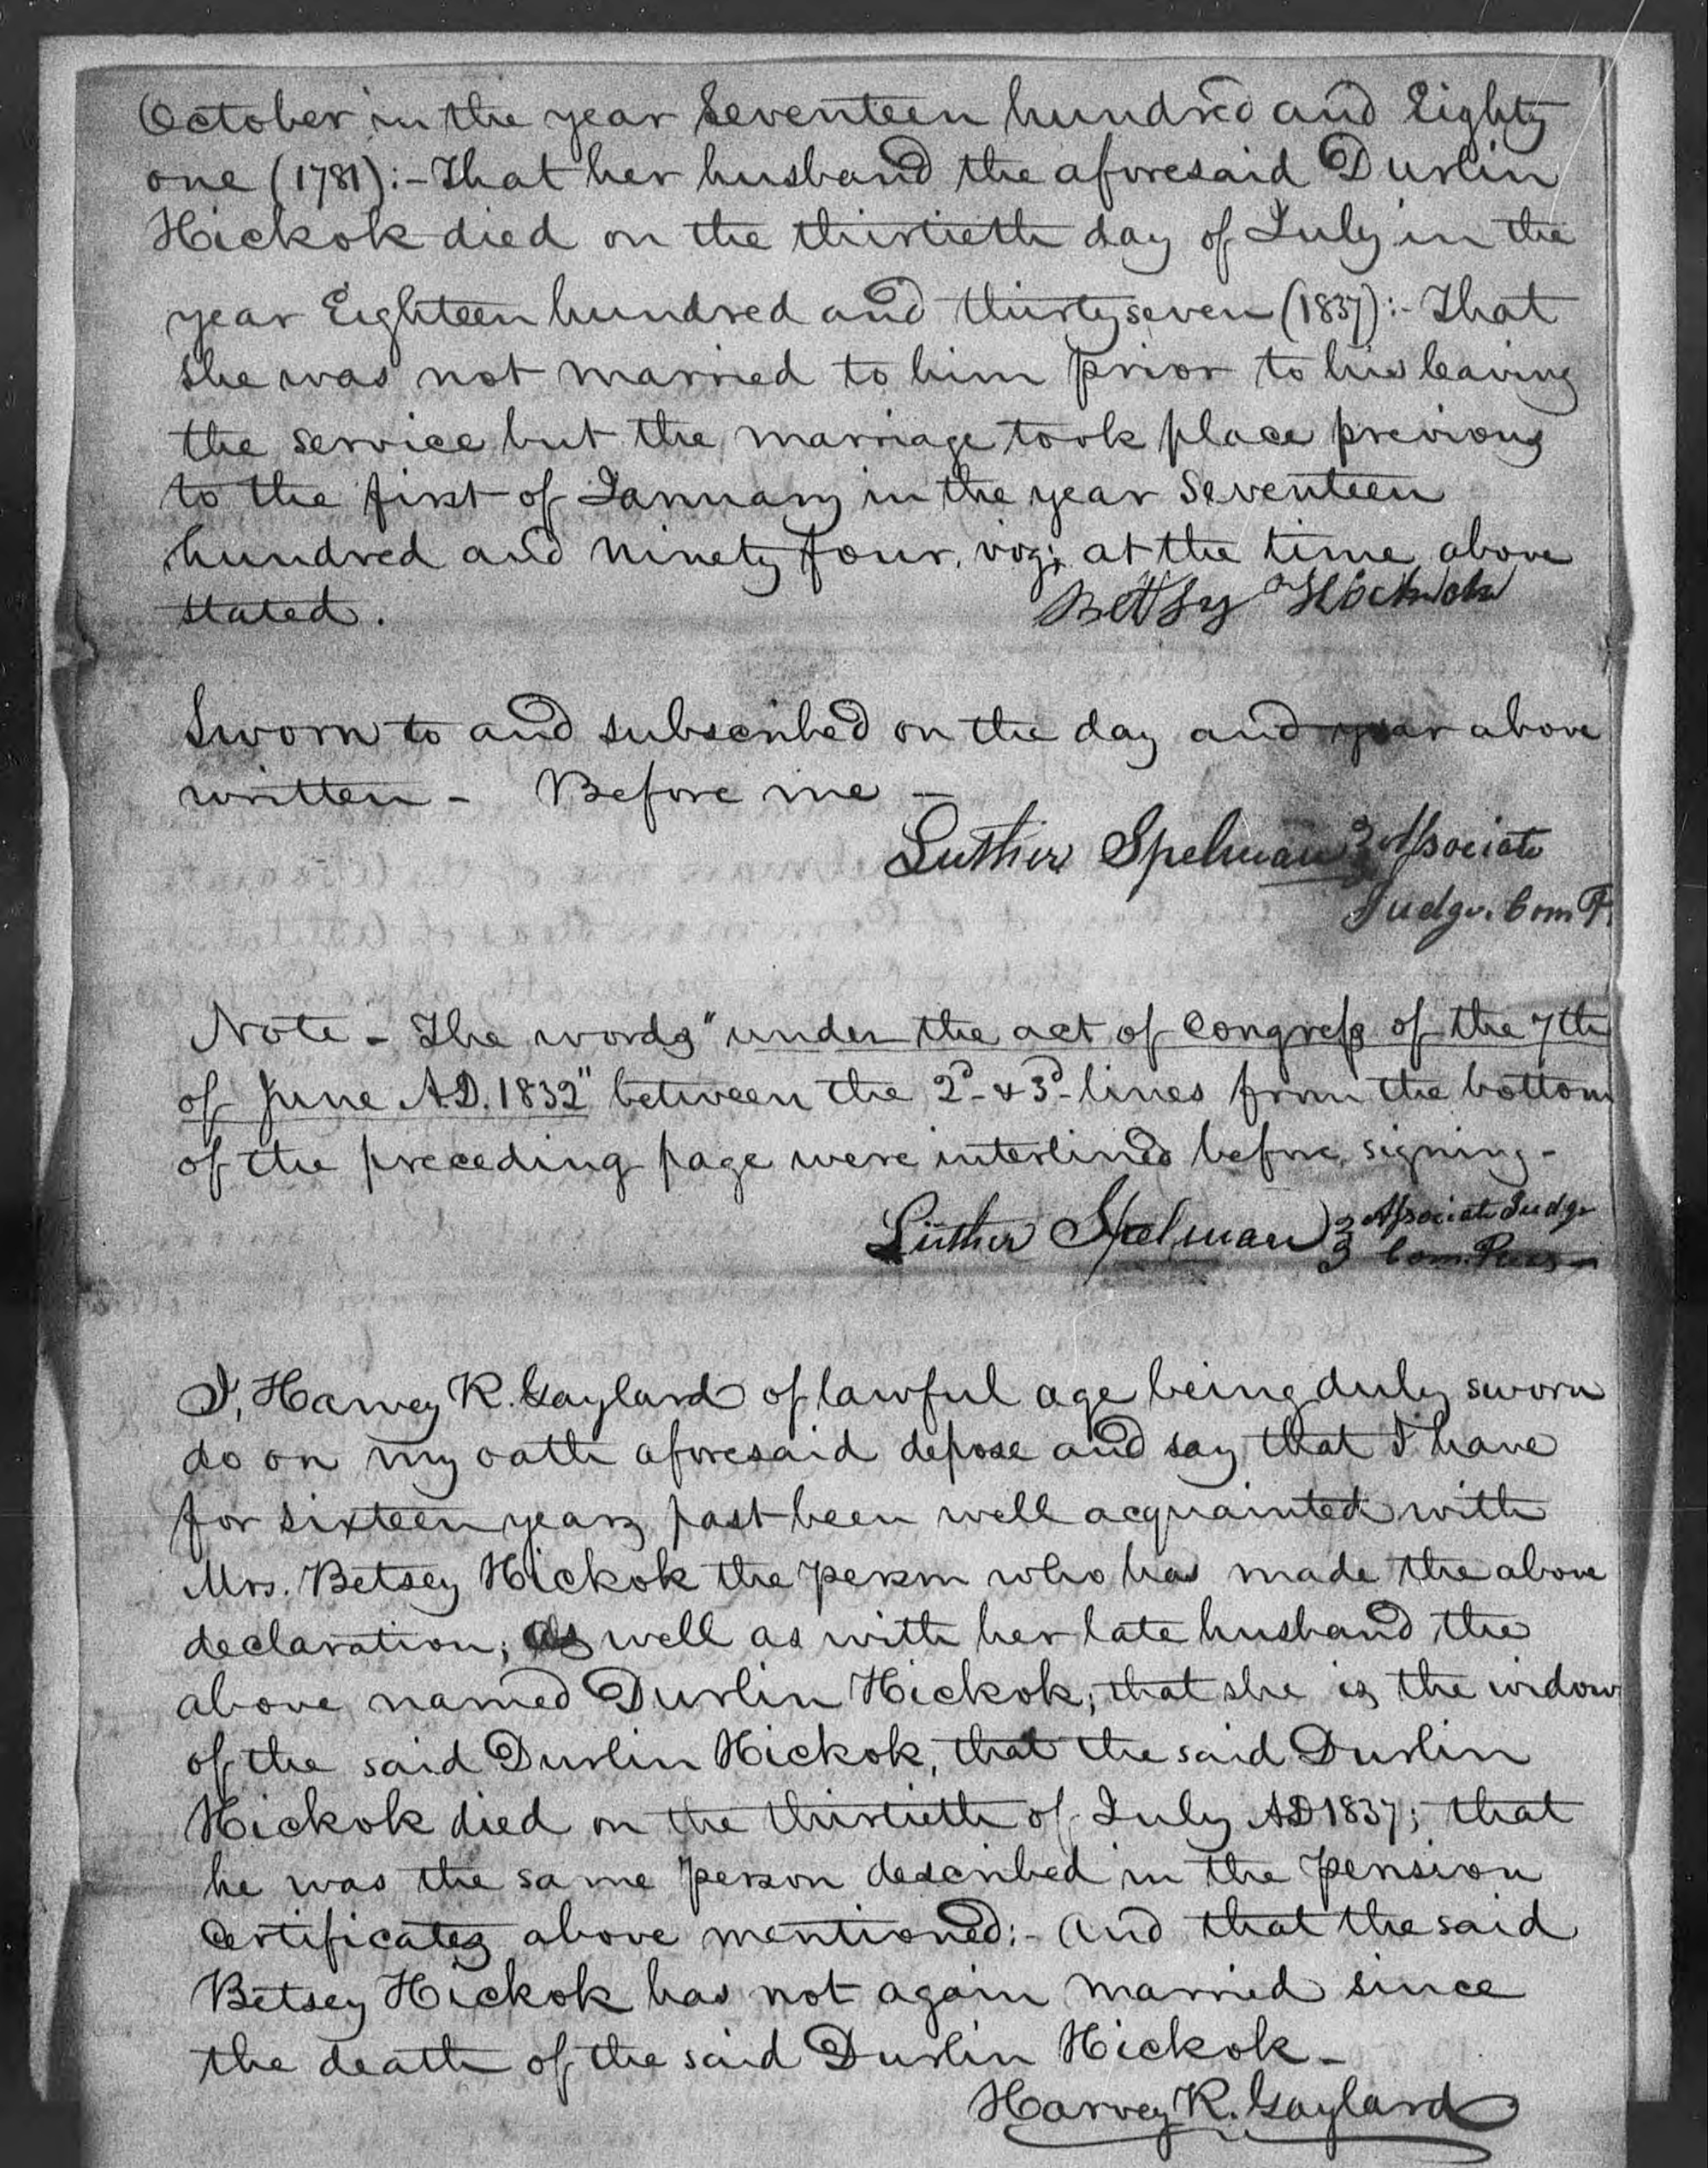October in the year Seventeen hundred and Eighty one (1781). That her husband the aforesaid Durbin Hickok died on the thirtieth day of July in the
year Eighteen hundred and thirty seven (1837). That she was not married to him prior to his leaving the service but the marriage took place previous 
to the first of January in the year Seventeen 
hundred and ninety four (illigible), at the time above stated. 
                                          Betsey Hickok

Sworn to and subscribed on the day and year above
written--Before me--
                                        Luther Spelman}Associate
                                                      Judge, Com Pleas

Note--The words "under the act of Congress of the 7th of June AD 1832" between the 2d & 3d lines from the bottom of the preceeding page were interlined before signing. 
                            Luther Spelman}Associate Judge
                                                       Com. Pleas
                                            
I, Harvey R. Gaylord of lawful age being duly sworn
do on my oath aforesaid depose and say that I have for sixteen years past been well acquainted with Mrs. Betsey Hickok the person who has made the above declaration as well as with her late husband, the above named Durbin Hickok, that the said Durbin Hickok died on the thirtieth of July AD 1837, that he was the same person described in the pension certificates above mentioned. And that the said Betsey Hickok has not again married since the death of the said Durbin Hickok--
                                     Harvey R. Gaylord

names: Harvey R Gaylard, Durlin Hickok, Durlin Hickok, Betsey Hickok, Durlin Hickok, Durlin Hickok, Durlin Hickok, Luther Spelman, Betsy Hickok, Luther Spelman, Betsey Hickok, Harvey R Gaylard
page: 18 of 45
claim: widow's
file: W. 4988, Durlin Hickok, Mass.